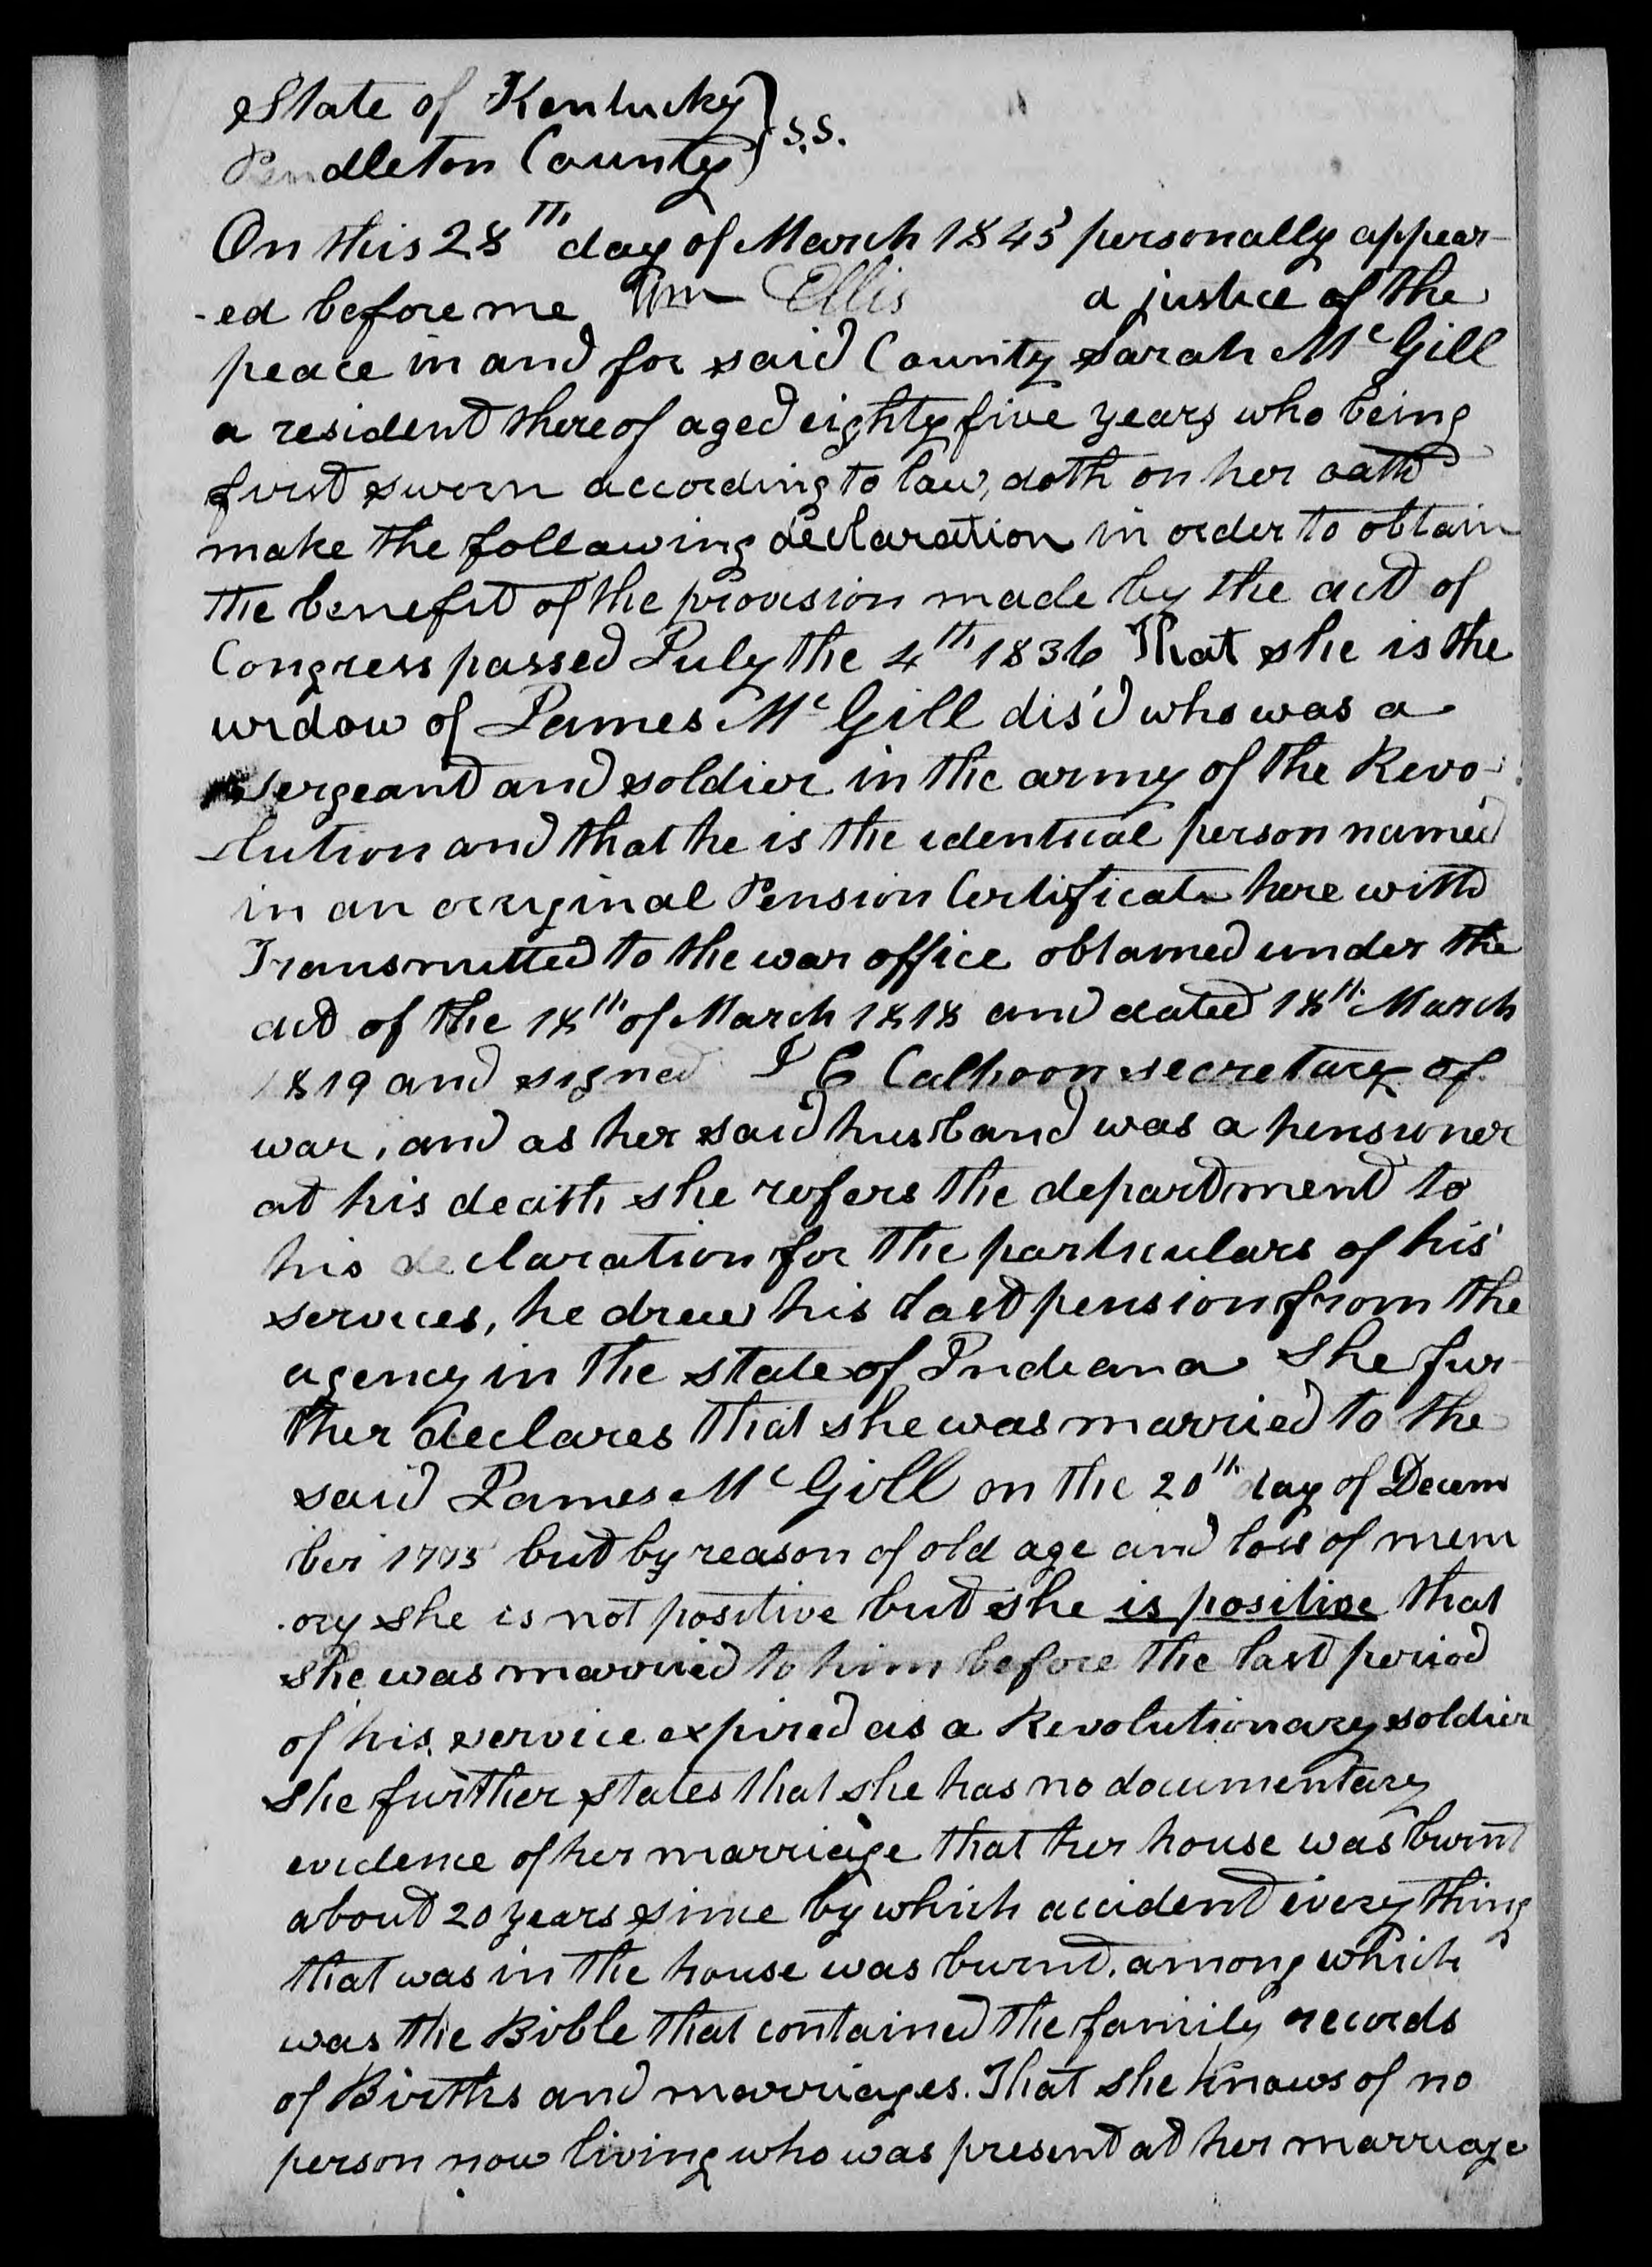Image 99  		4160873_00099               Fold3 File #23857265

State of Kentucky Pendleton County s.s.
On this 28th day of March 1845 personally appeared before me Wm Ellis a justice of the peace in and for said county Sarah McGill a resident hereof aged eighty-five years who being first sworn according to law, doth on her oath make the following declaration in order to obtain the benefit of the provision made by the act of Congress passed July the 4th 1836 that she is the widow of James McGill decd who was a sergeant and soldier in the army of the Revolution and that he is the identical person named in an original pension certificate herewith transmitted to the war office obtained under the act of the 18th of March 1818 and dated 18 March 1819 and signed J. C. Calhoun Secretary of War, and as her said husband was a pensioner at his death she refers for the particulars of his services, he drew his last pension from the agency in the state of Indiana. She further declares that she was married to the said James McGill on the 20th day of December 1775 but by reason of old age and loss of memory she is not positive, but she is positive that she was married to him before the last period of his service expired as a Revolutionary soldier. She further states that she has no documentary evidence of her marriage - that her house was burnd [burned] about 20 years since by which accident everything that was in the house was burnt, among which was the Bible that contained the family records of births and marriages. That she knows of no person now living who was present at her marriage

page: 41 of 71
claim: widow's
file: W. 8428, for James Mc Gill, Pennsylvania